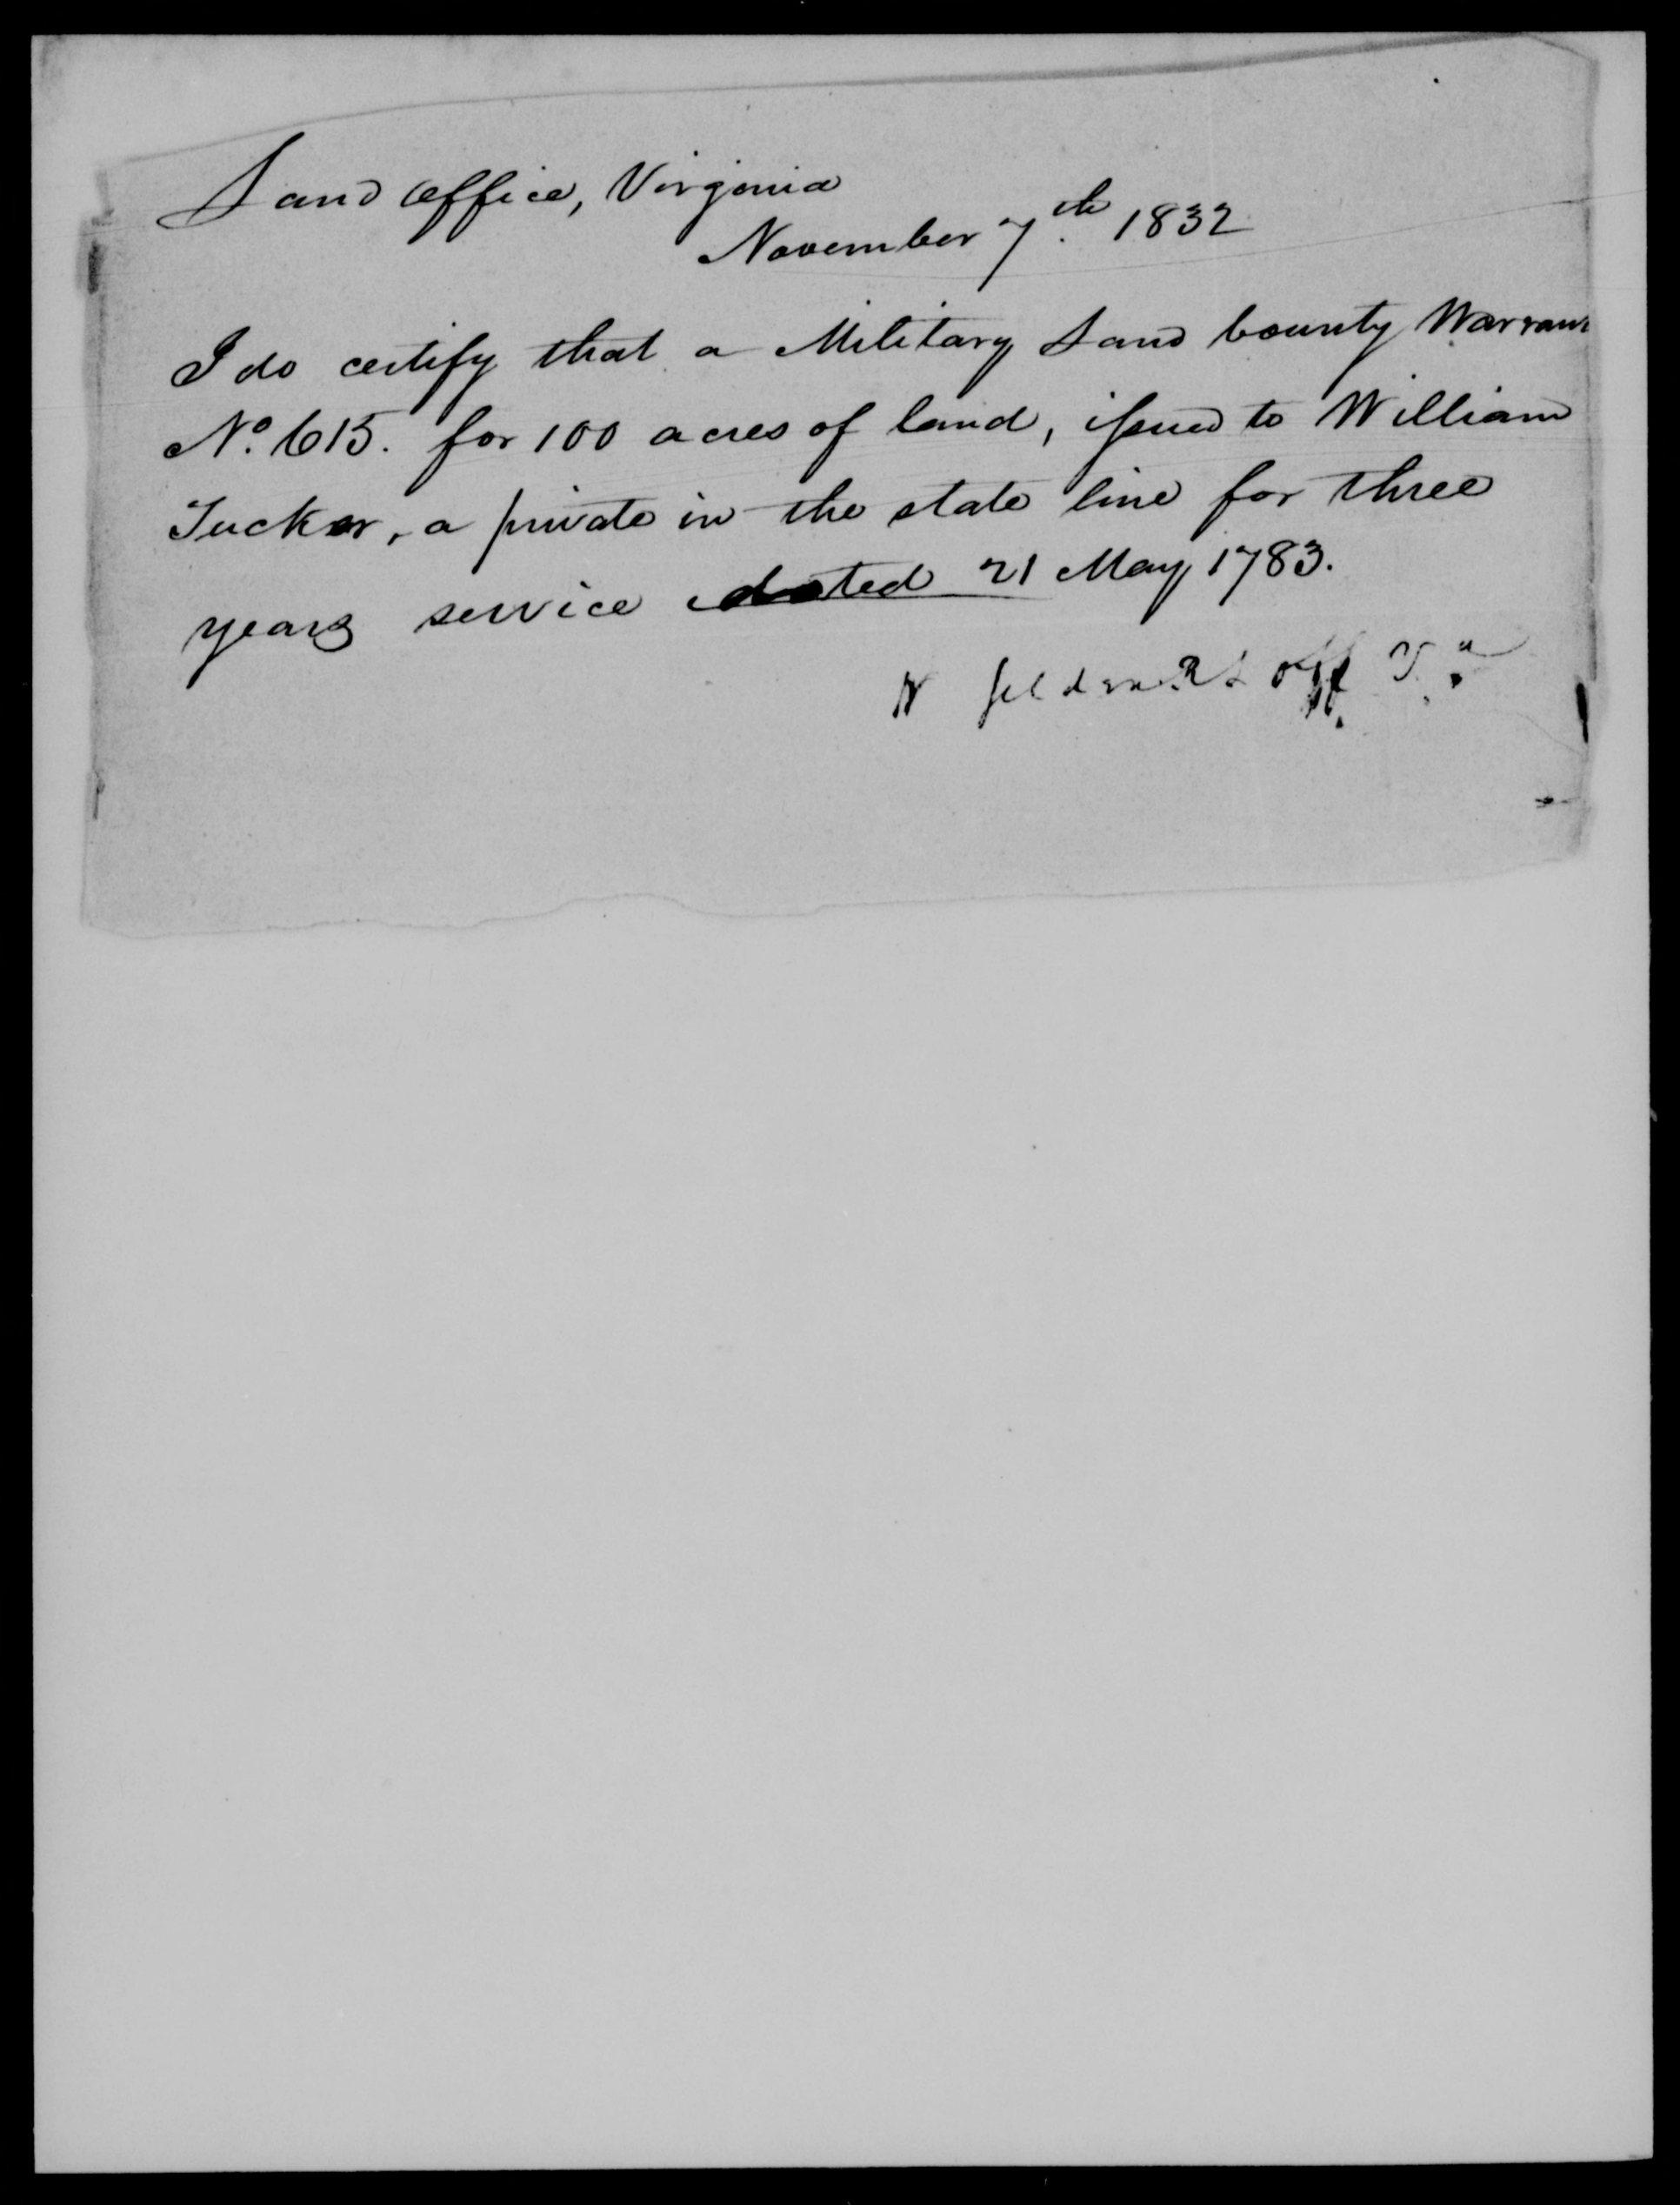Land offices, Virginia
November 7th 1832
I do certify that a Military Land bounty Warrant
No. 615 for 100 acres of land, issued to William Tucker, a private in the state line for three years service dated 21 May 1783
W Selden RS off. Va.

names: William Tucker, W Selden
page: 3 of 13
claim: survivor's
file: S. 7764, William Tucker, Va.